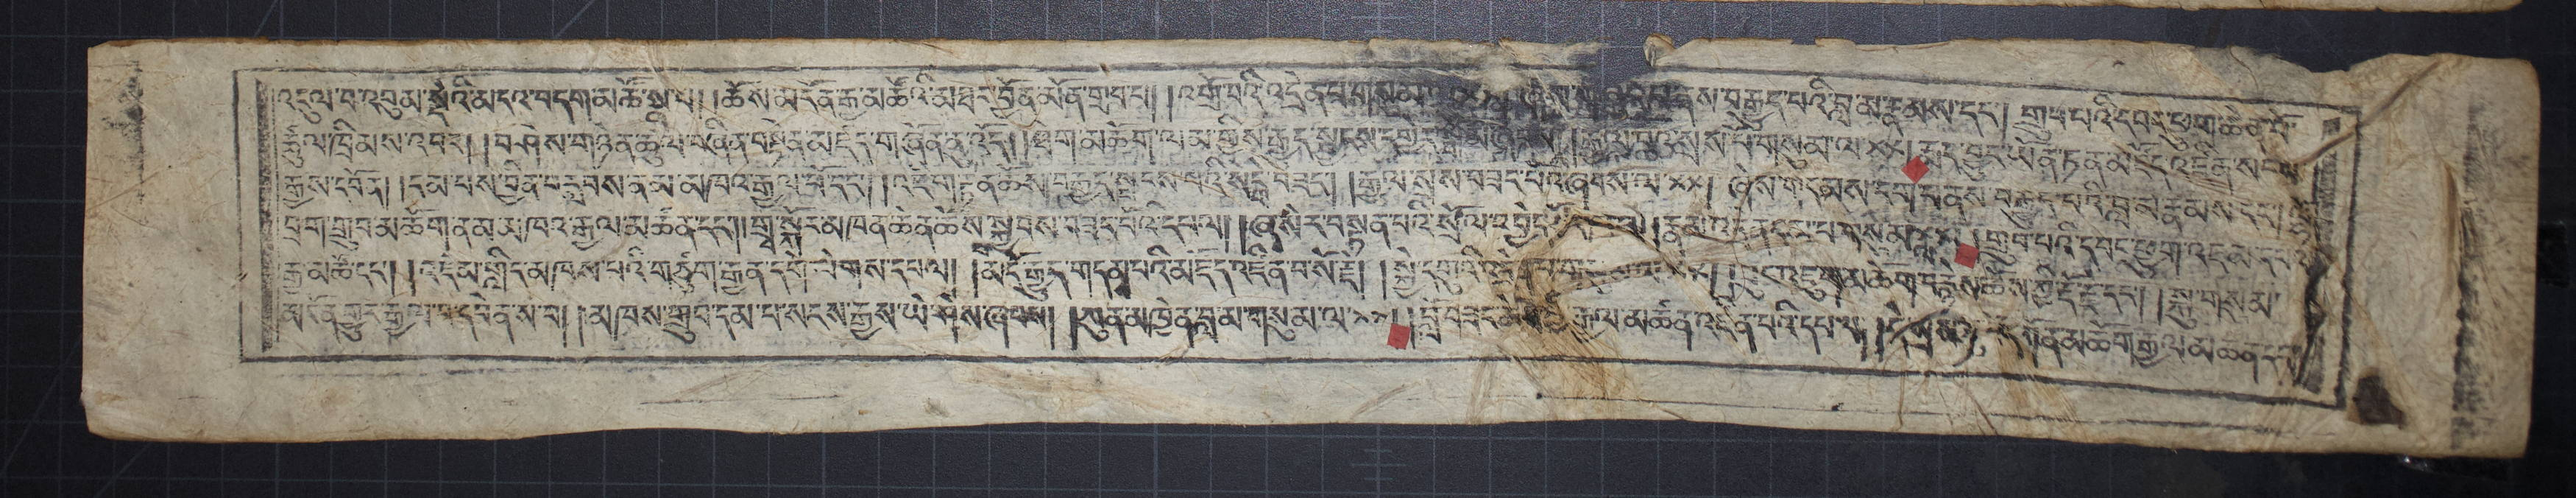འདུལ་བ་འབུམ་སྡེའི་མངའ་བདག་མཚོ་སྣ་བ། །ཆོས་མངོན་རྒྱ་མཚོའི་མཐར་བྱོན་མོན་གྲབ་པ། །འགྲོ་བའི་འདྲེན་པ་གསུམ་ལ྾་྾། ཞེས་གཞུང་པ་ནས་བརྒྱུད་པའི་བླ་མ་རྣམས་དང་། གྲུབ་པའི་དབང་ཕྱུག་ཆེན་པོ་
ཚུལ་ཁྲིམས་འབར། །བཤེས་གཉེན་ཚུལ་བཞིན་བསྟེན་མཛད་གཞོན་ནུ་འོད། །ཐེག་མཆོག་ལམ་གྱིས་རྒྱུད་སྦྱངས་དགྱེར་སྒོམ་ཞབས། །རྒྱལ་བའི་སྲས་པོ་གསུམ་ལ་྾་྾་རྨད་བྱུང་ཡོན་ཏན་མཛོད་འཛིན་སངས་
རྒྱས་དབོན། །དམ་པས་བྱིན་བརླབས་ནམ་མཁའ་རྒྱལ་པོ་དང་། །འཇིག་རྟེན་ཆོས་བརྒྱད་སྤངས་པའི་སེངྒེ་བཟང་། །རྒྱལ་སྲས་བཟང་པོའི་ཞབས་ལ་྾་྾། ཞེས་གདམས་ངག་པ་ནས་བརྒྱུད་པའི་བླ་མ་རྣམས་དང་། ལྷོ་
བྲག་གྲུབ་མཆོག་ནམ་མཁའ་རྒྱལ་མཚན་དང་། །གྲྭ་སྐོར་མཁན་ཆེན་ཆོས་བསྐྱབས་བཟང་པོའི་དཔལ། །ཞྭ་སེར་བསྟན་པའི་སྲོལ་འབྱེད་ཙོང་ཁ་པ། །རྣམ་འདྲེན་དམ་པ་གསུམ་ལ་྾་྾། །གྲུབ་པའི་དབང་ཕྱུག་འཇམ་དཔལ་
རྒྱ་མཚོ་དང་། །འཛམ་གླིང་མཁས་པའི་གཙུག་རྒྱན་དགེ་ལེགས་དཔལ། །མདོ་རྒྱུད་གདམ་པའི་མཛོད་འཛིན་པ་སོ་རྗེ། །སྐྱེ་དགུའི་འདྲེན་པ་གསུམ་ལ་྾་྾། །ཟུང་འཇུག་མཆོག་བརྙེས་ཆོས་ཀྱི་རྡོ་རྗེ་དང་། །སྐུ་གསུམ་
མངོན་གྱུར་རྒྱལ་བ་དབེན་ས་པ། །མཁས་གྲུབ་དམ་པ་སངས་རྒྱས་ཡེ་ཤེས་ཞབས། །ཀུན་མཁྱེན་བླ་མ་གསུམ་ལ་྾་྾། །བླ་བཟང་ཆོས་ཀྱི་རྒྱལ་མཚན་འཛིན་པའི་དཔལ། །དེ་སྲས་ཐུ་བོ་དཀོན་མཆོག་རྒྱལ་མཚན་དང་།